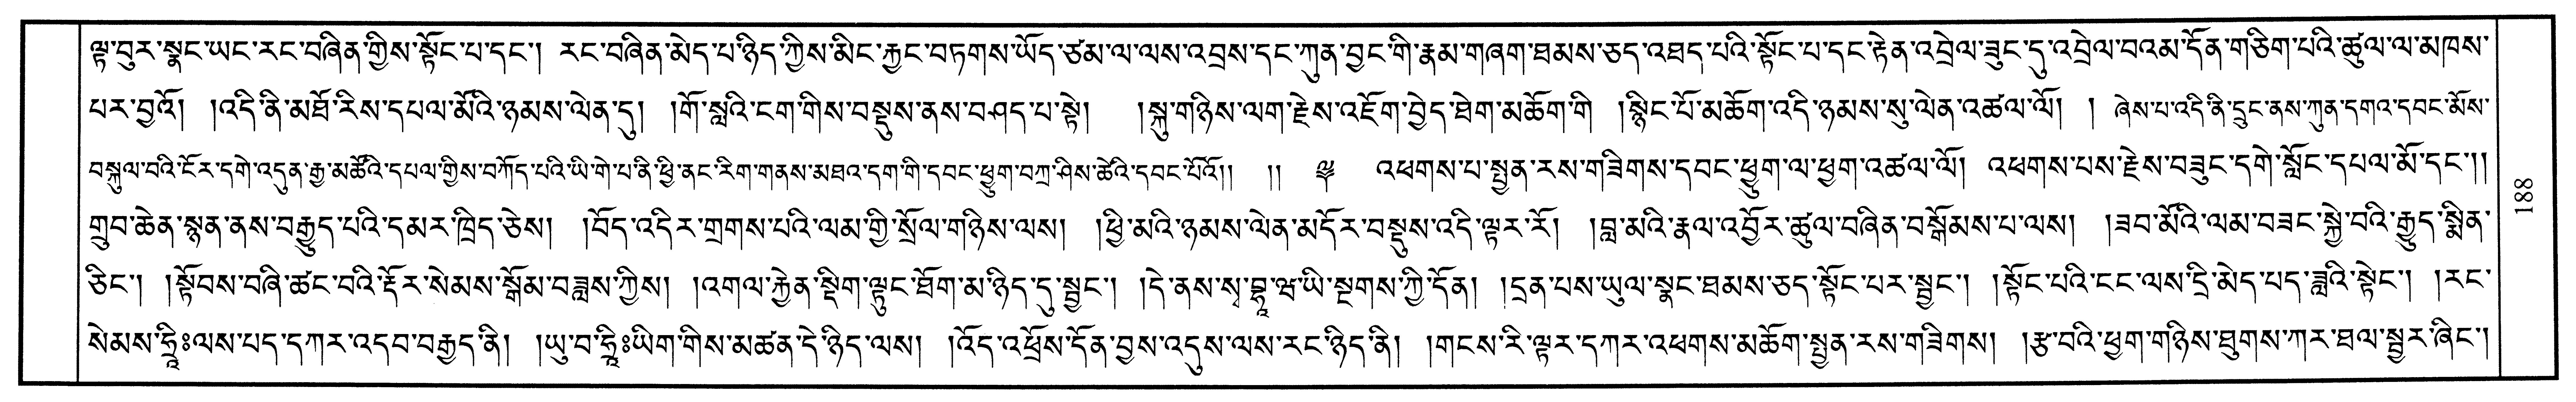ལྟ་བུར་སྣང་ཡང་རང་བཞིན་གྱིས་སྟོང་པ་དང་། རང་བཞིན་མེད་པ་ཉིད་ཀྱིས་མིང་རྐྱང་བཏགས་ཡོད་ཙམ་ལ་ལས་འབྲས་དང་ཀུན་བྱང་གི་རྣམ་གཞག་ཐམས་ཅད་འཐད་པའི་སྟོང་པ་དང་རྟེན་འབྲེལ་ཟུང་དུ་འབྲེལ་བའམ་དོན་གཅིག་པའི་ཚུལ་ལ་མཁས་
པར་བྱའོ། །འདི་ནི་མཐོ་རིས་དཔལ་མོའི་ཉམས་ལེན་དུ། །གོ་སླའི་ངག་གི་བསྡུས་ནས་བཤད་པ་སྟེ། །སྐུ་གཉིས་ལག་རྗེས་འཇོག་བྱེད་ཐེག་མཆོག་གི །སྙིང་པོ་མཆོག་འདི་ཉམས་སུ་ལེན་འཚལ་ལོ། །ཞེས་པ་འདི་ནི་དྲུང་ནས་ཀུན་དགའ་དབང་མོས་
བསྐུལ་བའི་ངོར་དགེ་འདུན་རྒྱ་མཚོའི་དཔལ་གྱིས་བཀོད་པའི་ཡི་གེ་པ་ནི་ཕྱི་ནང་རིག་གནས་མཐའ་དག་གི་དབང་ཕྱུག་བཀྲ་ཤིས་ཚེའི་དབང་པོའོ།། །། ༈ འཕགས་པ་སྤྱན་རས་གཟིགས་དབང་པ༠ཧྱུག་ལ་ཕྱག་འཚལ་ལོ། འཕགས་པས་རྗེས་བཟུང་དགེ་སློང་དཔལ་མོ་དང་། །
གྲུབ་ཆེན་སྙན་ནས་བརྒྱུད་པའི་དམར་ཁྲིད་ཅེས། །བོད་འདིར་གྲགས་པའི་ལམ་གྱི་སྲོལ་གཉིས་ལས། །ཕྱི་མའི་ཉམས་ལེན་མདོར་བསྡུས་འདི་ལྟར་རོ། །བླ་མའི་རྣལ་འབྱོར་ཚུལ་བཞིན་བསྒོམས་པ་ལས། །ཟབ་མོའི་ལམ་བཟང་སྐྱེ་བའི་རྒྱུད་སྨིན་
ཅིང་། །སྟོབས་བཞི་ཚང་བའི་རྡོར་སེམས་སྒོམ་བཟླས་ཀྱིས། །འགལ་རྐྱེན་སྡིག་ལྟུང་ཐོག་མ་ཉིད་དུ་སྦྱང་། །དེ་ནས་སྭ་བྷཱ་ཝ་ཡི་སྔགས་ཀྱི་དོན། །དྲན་པས་ཡུལ་སྣང་ཐམས་ཅད་སྟོང་པར་སྦྱང་། །སྟོང་པའི་ངང་ལས་དྲི་མེད་པད་ཟླའི་སྟེང་། །རང་
སེམས་ཧྲཱིཿ ལས་པད་དཀར་འདབ་བརྒྱད་ནི། །ཡུ་བ་ཧྲཱིཿ ཡིག་གིས་མཚན་དེ་ཉིད་ལས། །འོད་འཕྲོས་དོན་བྱས་འདུས་ལས་རང་ཉིད་ནི། །གངས་རི་ལྟར་དཀར་འཕགས་མཆོག་སྤྱན་རས་གཟིགས། །རྩ་བའི་ཕྱག་གཉིས་ཐུགས་ཀར་ཐལ་སྦྱར་ཞིང་།